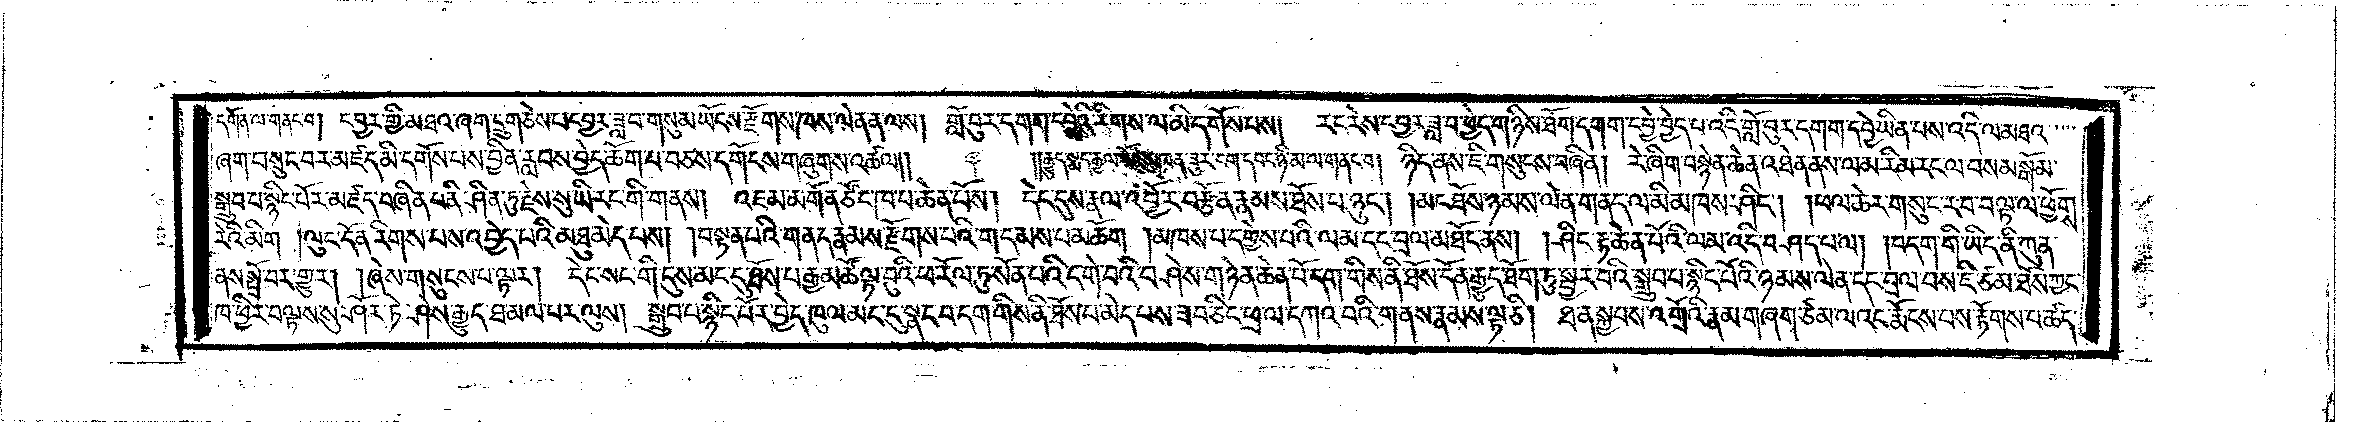དགོན་ལ་གནང་བ།  དབྱར་གྱི་མཐའ་ཞག་དྲུག་ཅེས་པར་དབྱར་ཟླ་བ་གསུམ་ཡོངས་རྫོགས་ཁས་ལེན་ན་ལས། གློ་བུར་དགག་དབྱེའི་རིགས་ལ་མི་དགོས་པས། རང་རེས་དབྱར་ཟླ་བ་ཕྱེད་གཉིས་ཐོག་དགག་དབྱེ་བྱེད་པ་འདི་གློ་བུར་དགག་དབྱེ་ཡིན་པས་འདི་ལ་མཐའ་
ཞག་བསྲུང་བར་མཛད་མི་དགོས་པས་བྱིན་རླབས་བྱེད་ཆོག་པ་བཅས་དགོངས་གཞུགས་འཚལ།། ༈ །།རྒྱུད་སྨད་རྒྱལ་རོས་མཁན་ཟུར་ངག་དབང་ཉི་མ་ལ་གནང་བ།  ཉིད་ནས་ཇི་གསུངས་བཞིན། རེ་ཞིག་བསྙེན་ཆེན་འཐེན་ནས་ལམ་རིམ་རང་ལ་བསམ་སྒོམ་
སྒྲུབ་པ་སྙིང་པོར་མཛད་བཞིན་པ་ནི་ཤིན་ཏུ་རྗེས་སུ་ཡི་རང་གི་གནས། འཇམ་མགོན་ཙོང་ཁ་པ་ཆེན་པོས། དེང་དུས་རྣལ་འབྱོར་བརྩོན་རྣམས་ཐོས་པ་ཉུང་། །མང་ཐོས་ཉམས་ལེན་གནད་ལ་མི་མཁས་ཤིང་། །ཕལ་ཆེར་གསུང་རབ་བལྟ་ལ་ཕྱོགས་
རེའི་མིག །ལུང་དོན་རིགས་པས་འབྱེད་པའི་མཐུ་མེད་པས། །བསྟན་པའི་གནད་རྣམས་རྫོགས་པའི་གདམས་པ་མཆོག །མཁས་པ་དགྱེས་པའི་ལམ་དང་བྲལ་མཐོང་ནས། །ཤིང་རྟ་ཆེན་པོའི་ལམ་འདི་བཤད་པ་ལ། །བདག་གི་ཡིད་ནི་ཀུན་
ནས་སྤྲོ་བར་གྱུར། །ཞེས་གསུངས་པ་ལྟར། དེང་སང་གི་དུས་མང་དུ་ཐོས་པ་རྒྱ་མཚོ་ལྟ་བུའི་ཕ་རོལ་ཏུ་སོན་པའི་དགེ་བའི་བཤེས་གཉེན་ཆེན་པོ་དག་གིས་ནི་ཐོས་དོན་རྒྱུད་ཐོག་ཏུ་སྦྱར་བའི་སྒྲུབ་པ་སྙིང་པོའི་ཉམས་ལེན་དང་བྲལ་བས་ཇི་ཙམ་ཐོས་ཀྱང་
ཁ་ཕྱིར་བལྟས་སུ་ཤོར་ཏེ་ཤེས་རྒྱུད་ཐ་མལ་པར་ལུས། སྒྲུབ་པ་སྙིང་པོར་བྱེད་ཁུལ་མང་དུ་སྣང་བདག་གིས་ནི་ཐོས་པ་མེད་པས་ཟབ་ཅིང་ཕྲ་ལ་དཀའ་བའི་གནས་རྣམས་ལྟ་ཅིང་། ཐ་ན་སྐྱབས་འགྲོའི་རྣམ་གཞག་ཙམ་ལའང་རྨོངས་པས་རྟོགས་པ་ཚད་